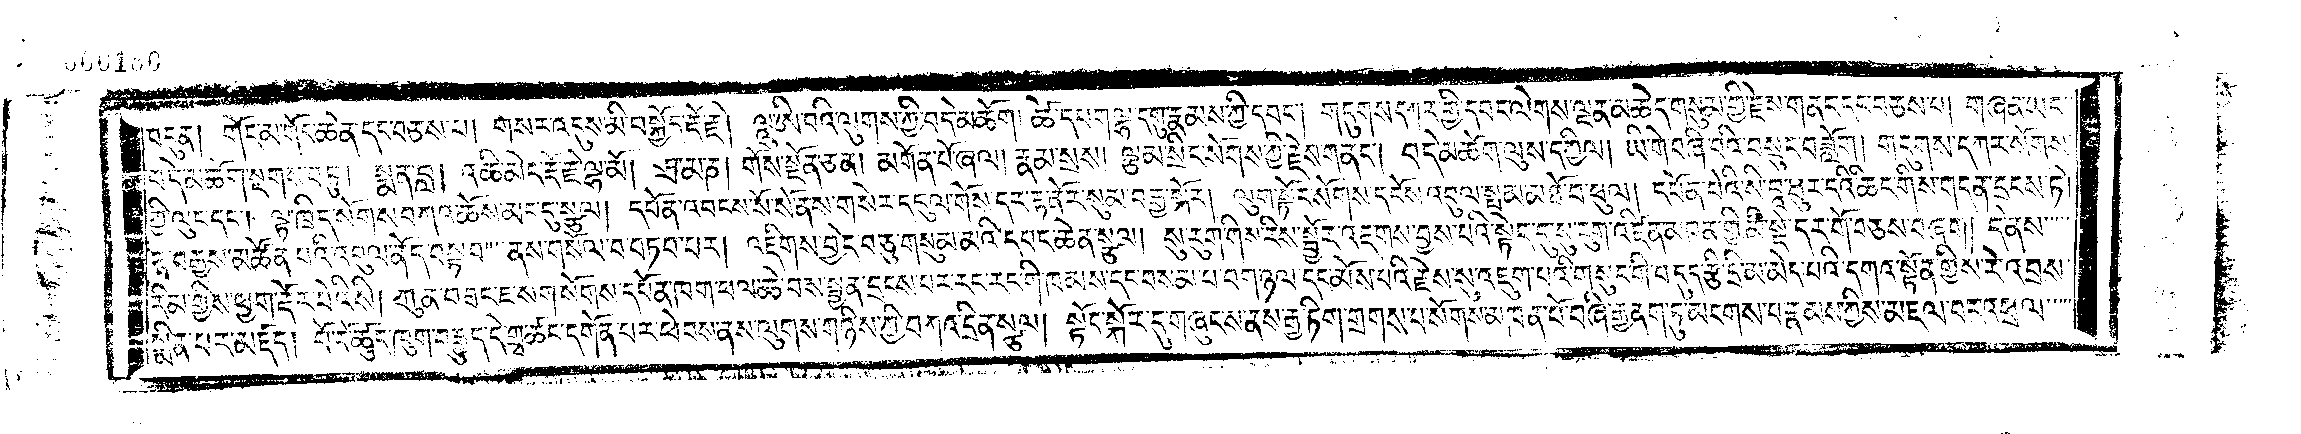བདུན། གོང་མ་གོང་ཆེན་དང་བཅས་པ། གསང་འདུས་མི་བསྐྱོད་རྡོ་རྗེ། ལཱུ་ཨི་བའི་ལུགས་ཀྱི་བདེ་མཆོག། ཚེ་དཔག་ལྷ་དགུ་རྣམས་ཀྱི་དབང་། གདུགས་དཀར་གྱི་དབང་ལེགས་ལྡན་མཆེད་གསུམ་གྱི་རྗེས་གནང་དང་བཅས་པ། གཞན་ཡང་
བདེ་མཆོག་སྔགས་བཏུ། སྨན་བླ། འཆི་མེད་རྡོ་རྗེ་ལྷ་མོ། ཤྲ་མ་ཎ། གོས་སྔོན་ཅན། མགོན་པོ་ཞལ། རྣམ་སྲས། ལྕམ་སྲིང་སོགས་ཀྱི་རྗེས་གནང་། བདེ་མཆོག་ལུས་དཀྱིལ། ཡི་གེ་བཞི་པའི་བསྲུང་བཟློག། གདུགས་དཀར་སོགས་
ཀྱི་ལུང་དང་། ལྟ་ཁྲིད་སོགས་བཀའ་ཆོས་མང་དུ་སྩལ། དཔོན་འབངས་སོ་སོ་ནས་གསེར་དངུལ་གོས་དར་རྟ་ནོར་སུམ་བརྒྱ་སྐོར། ལུག་སྟོང་སོགས་དངོས་འབུལ་སྦམ་མཐོ་བ་ཕུལ། དཔོན་པེའི་སི་བཱ་ཐུར་དའི་ཆིང་གིས་གདན་དྲངས་ཏེ།
རྟ་བརྒྱས་མཚོན་པའི་འབུལ་ནོད་བསྟབ་ནས་གསོལ་བ་བཏབ་པར། འཇིགས་བྱེད་བཅུ་གསུམ་མའི་དབང་ཆེན་སྩལ། སུ་རུག་གི་ས་རིས་སྦྱོར་འཇགས་བྱས་པའི་སྟེང་དུ་སུ་རུག་འཛིན་མཁན་གྱི་མི་སྡེ་དང་གོ་བཅས་བཞག། དེ་ནས་
རིམ་གྱིས་ཕྱག་རྡོར་པེའི་སི། ཀུན་བཟང་ཇ་སག་སོགས་དཔོན་ཁག་ཕལ་ཆེ་བས་སྤྱན་དྲངས་པར་རང་རང་གི་ཁམས་དང་བསམ་པ་བག་ཉལ་དང་མོས་པའི་རྗེས་སུ་འཇུག་པའི་གསུང་གི་བདུད་རྩི་དྲི་མ་མེད་པའི་དགའ་སྟོན་གྱིས་རེ་འབྲས་
སྨིན་པར་མཛད། བོ་རོ་ཚུང་ཁུག་བརྒྱུད་དེ་གྲྭ་ཚང་དགོན་པར་ཕེབས་ནས་ལུགས་གཉིས་ཀྱི་བཀའ་དྲིན་སྩལ། སྟོང་སྐོར་དུ་གཞུང་ས་ནས་རྒྱ་ཏིག་གྲགས་པ་སོགས་མཁན་པོ་བཞི་རྒྱ་ནག་ཏུ་མངགས་པ་རྣམས་ཀྱིས་མཇལ་བར་འཕྲལ་